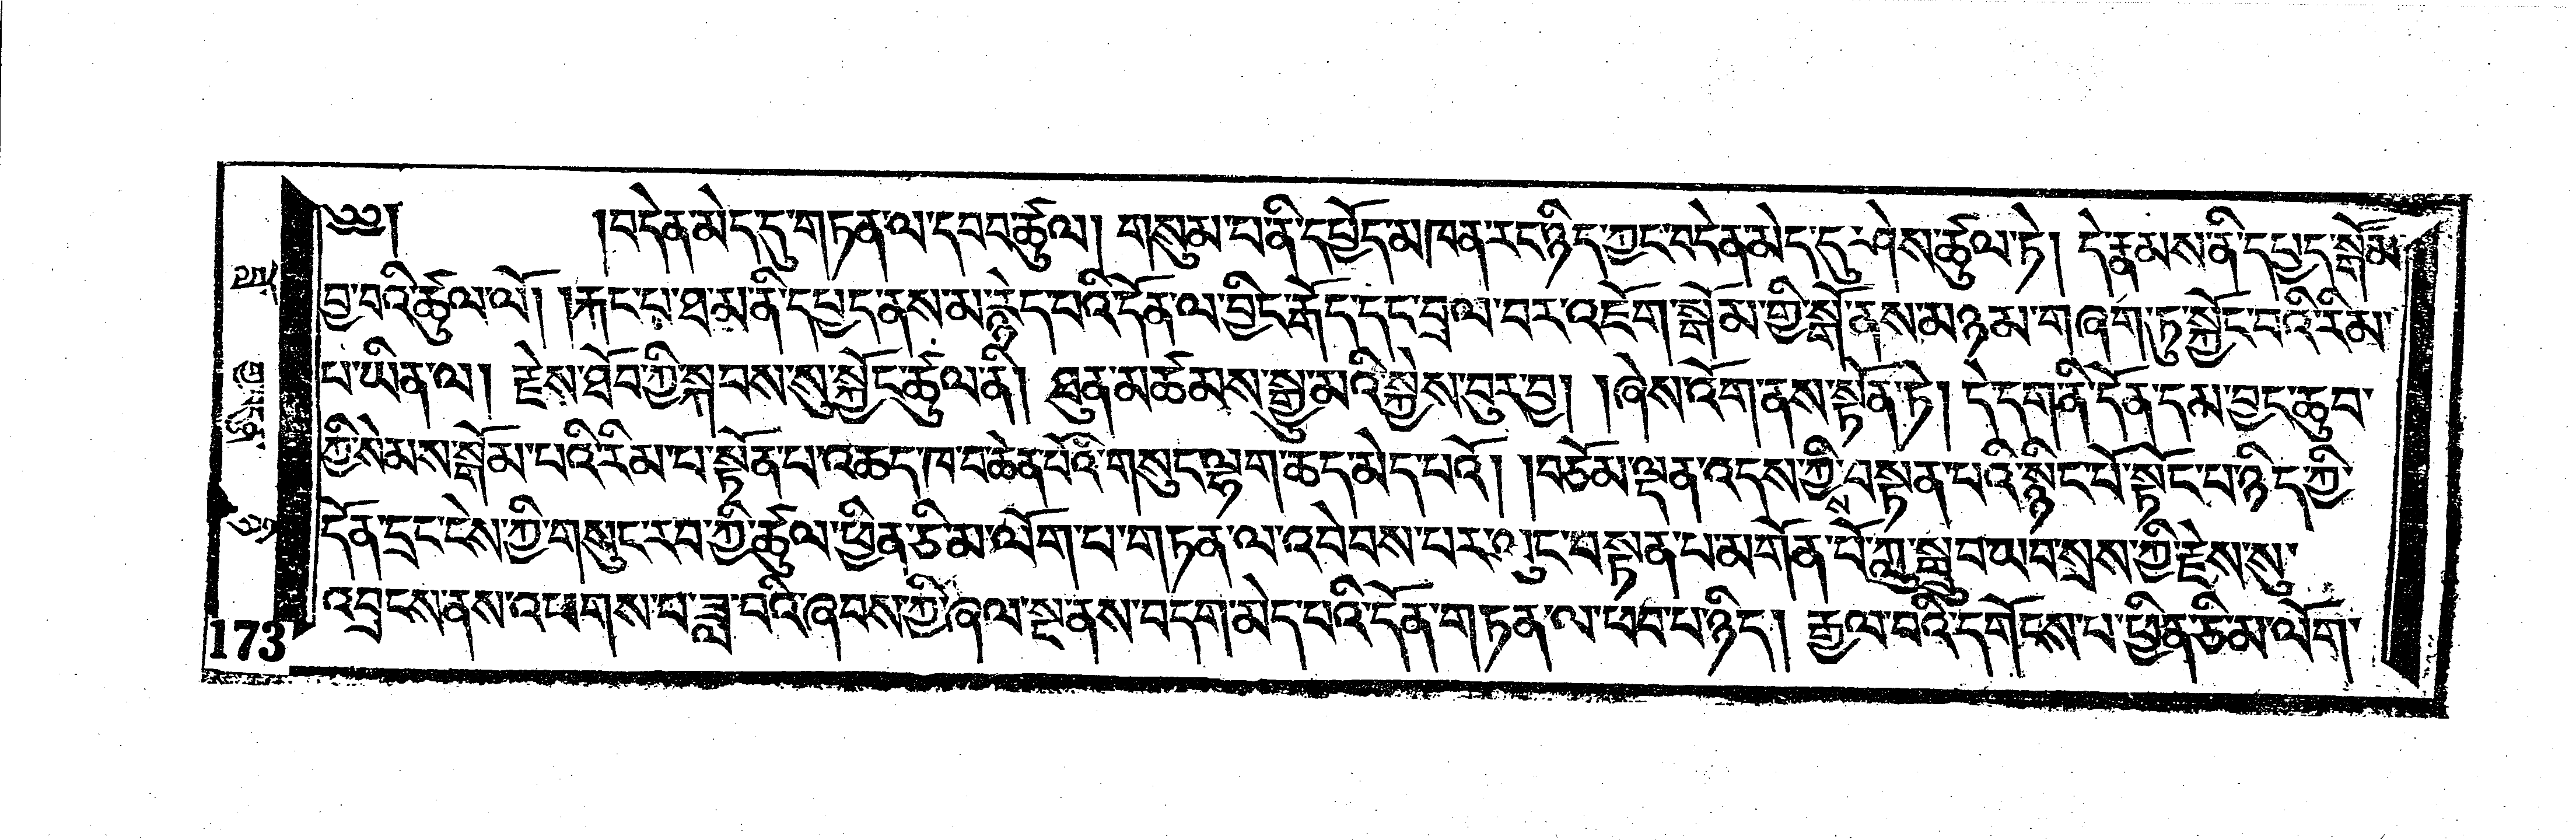༄༅། །བདེན་མེད་དུ་གཏན་ལ་དབབ་ཚུལ། གསུམ་པ་ནི་དཔྱོད་མཁན་རང་ཉིད་ཀྱང་བདེན་མེད་དུ་ཤེས་ཚུལ་ཏེ། དེ་རྣམས་ནི་དཔྱད་སྒོམ་
བྱ་བའི་ཚུལ་ལོ། །རྐང་པ་ཐ་མ་ནི་དཔྱད་ནས་མ་རྙེད་པའི་དོན་ལ་བྱིང་རྒོད་དང་བྲལ་བར་འཇོག་སྒོམ་གྱི་སྒོ་ནས་མཉམ་གཞག་ཏུ་སྐྱོང་བའི་རིམ་
པ་ཡིན་ལ། རྗེས་ཐོབ་ཀྱི་སྐབས་སུ་སྐྱོང་ཚུལ་ནི། ཐུན་མཚམས་སྒྱུ་མའི་སྐྱེས་བུར་བྱ། །ཞེས་འོག་ནས་སྟོན་ཏེ། དེ་དག་ནི་དོན་དམ་བྱང་ཆུབ་
ཀྱི་སེམས་སྒོམ་པའི་རིམ་པ་སྟོན་པ་འཆད་ཁ་བ་ཆེན་པོའི་གསུང་ལྷག་ཆད་མེད་པའོ། །བཅོམ་ལྡན་འདས་ཀྱིས་བསྟན་པའི་སྙིང་པོ་སྟོང་པ་ཉིད་ཀྱི་
དོན་དྲང་ངེས་ཀྱི་གསུང་རབ་ཀྱི་ཚུལ་ཕྱིན་ཅི་མ་ལོག་པ་གཏན་ལ་འབེབས་པར་ལུང་བསྟན་པ་མགོན་པོ་ཀླུ་སྒྲུབ་ཡབ་སྲས་ཀྱི་རྗེས་སུ་
འབྲངས་ནས་འཕགས་པ་ཟླ་བའི་ཞབས་ཀྱི་ཞལ་སྔ་ནས་བདག་མེད་པའི་དོན་གཏན་ལ་ཕབ་པ་ཉིད། རྒྱལ་བའི་དགོངས་པ་ཕྱིན་ཅི་མ་ལོག་